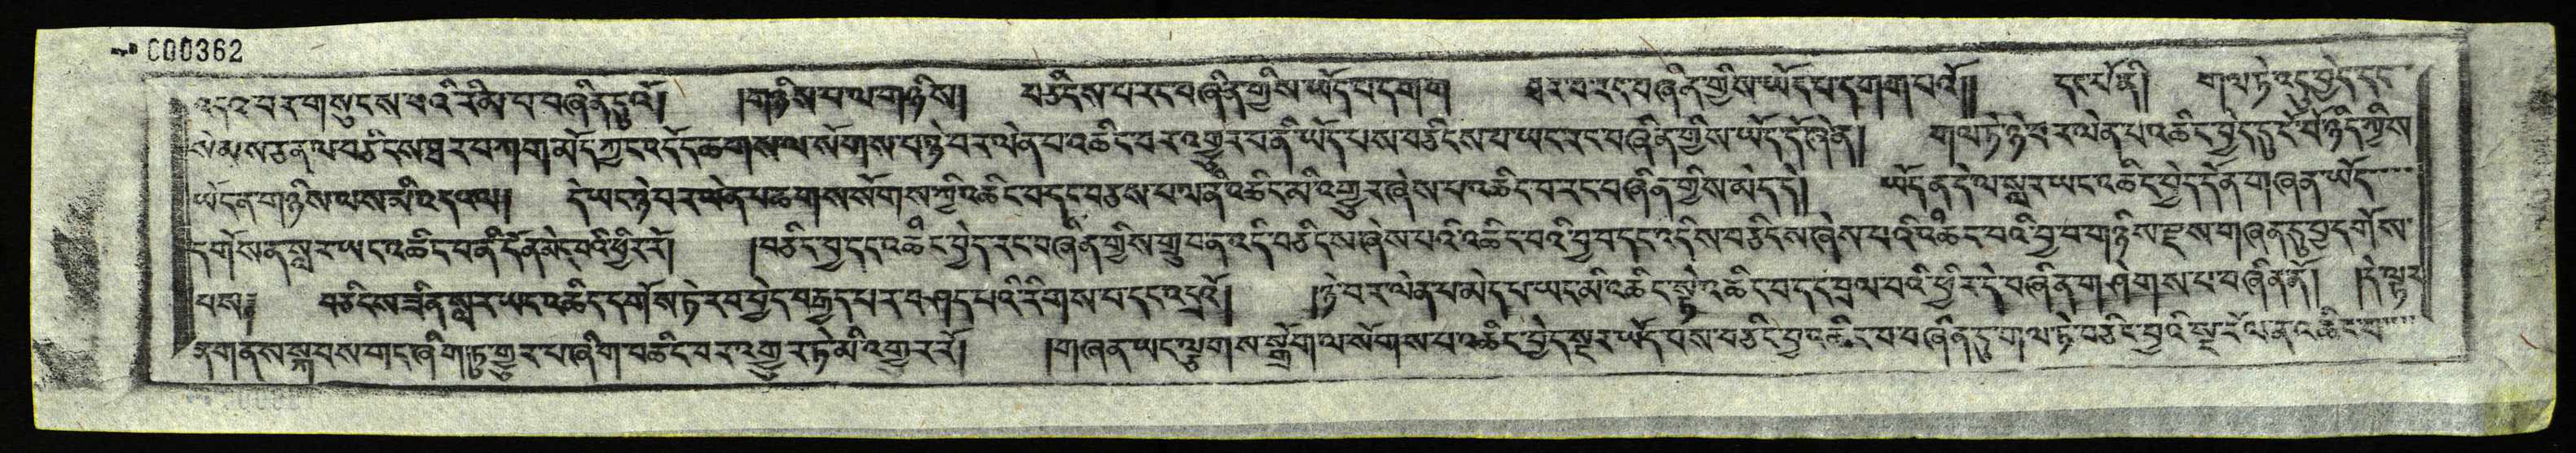འདའ་བར་གསུངས་པའི་རིམ་པ་བཞིན་དུའོ། །གཉིས་པ་ལ་གཉིས། བཅིངས་པ་རང་བཞིན་གྱིས་ཡོད་པ་དགག་ཐར་བ་རང་བཞིན་གྱིས་ཡོད་པ་དགག་པའོ།། དང་པོ་ནི། གལ་ཏེ་འདུ་བྱེད་དང་
སེམས་ཅན་ལ་བཅིངས་ཐར་བཀག་མོད་ཀྱང་འདོད་ཆགས་ལ་སོགས་པ་ཉེ་བར་ལེན་པ་འཆིང་བར་འགྱུར་བ་ནི་ཡོད་པས་བཅིངས་པ་ཡང་རང་བཞིན་གྱིས་ཡོད་དོ་ཞེ་ན། གལ་ཏེ་ཉེ་བར་ལེན་པ་འཆིང་བྱེད་དུ་ངོ་བོ་ཉིད་ཀྱིས་
ཡོད་ན་གཉིས་ལས་མི་འདའ་ལ། དེ་ཡང་ཉེ་བར་ལེན་པ་ཆགས་སོགས་ཀྱི་འཆིང་བ་དང་བཅས་པ་ལ་ནི་འཆིང་མི་འགྱུར་ཞེས་པ་འཆིང་བ་རང་བཞིན་གྱིས་མེད་དེ། ཡོད་ན་དེ་ལ་སླར་ཡང་འཆིང་བྱེད་དོན་གཞན་ཡོད་
དགོས་ན་སླར་ཡང་འཆིང་བ་ནི་དོན་མེད་པའི་ཕྱིར་རོ། །བཅིང་བྱ་དང་འཆིང་བྱེད་རང་བཞིན་གྱིས་གྲུབ་ན་འདི་བཅིངས་ཞེས་པའི་འཆིང་བའི་བྱ་བ་དང་འདིས་བཅིངས་ཞེས་པའི་འཆིང་བའི་བྱ་བ་གཉིས་རྫས་གཞན་དུ་བྱ་དགོས་
པས༑ བཅིངས་ཟིན་སླར་ཡང་འཆིང་དགོས་ཏེ་རབ་བྱེད་བརྒྱད་པར་བཤད་པའི་རིགས་པ་དང་འདྲའོ། །ཉེ་བར་ལེན་པ་མེད་པ་ཡང་མི་འཆིང་སྟེ་འཆིང་བ་དང་བྲལ་བའི་ཕྱིར་དེ་བཞིན་གཤེགས་པ་བཞིན་ནོ། །དེ་ལྟར་
ན་གནས་སྐབས་གང་ཞིག་ཏུ་གྱུར་པ་ཞིག་འཆིང་བར་འགྱུར་ཏེ་མི་འགྱུར་རོ། །གཞན་ཡང་ལྕགས་སྒྲོག་ལ་སོགས་པ་འཆིང་བྱེད་སྔར་ཡོད་པས་བཅིང་བྱ་འཆིང་བ་བཞིན་དུ་གལ་ཏེ་བཅིང་བྱའི་སྔ་རོལ་ན་འཆིང་བ་